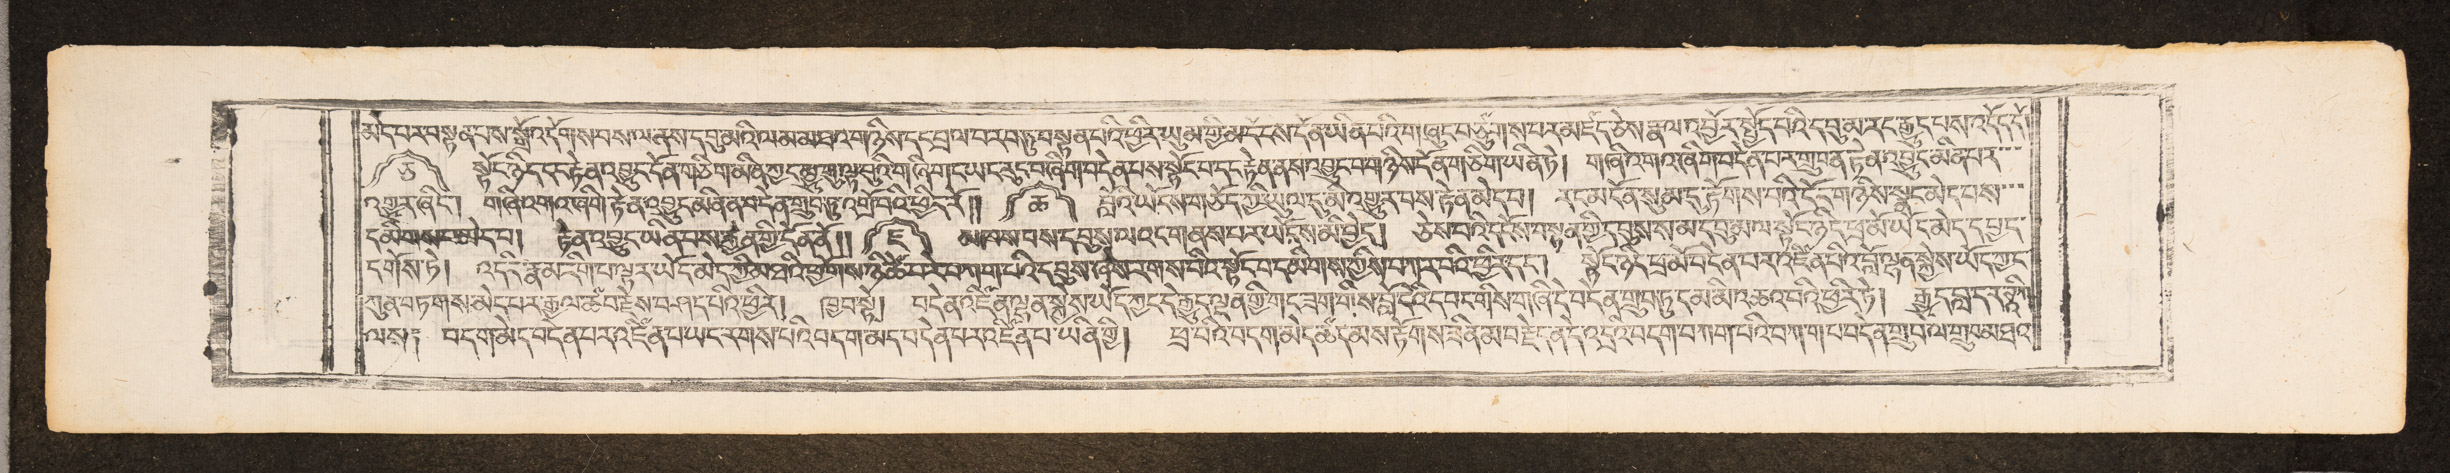མེད་པར་བསྟན་པས་སྒྲོ་འདོགས་བས་ལ་ནས་དབུ་མའི་ལམ་མཐའ་གཉིས་དང་བྲལ་བ་རབ་ཏུ་བསྟན་པའི་ཕྱིར་ཡུམ་གྱི་མདོ་ངས་དོན་ཡིན་པའི་གཞུང་བཙུགས་པར་མཛད་ཅེས་རྣལ་འབྱོར་སྤྱོད་པའི་དབུ་མ་རང་རྒྱུད་པས་འདོད་དོ།
༼༽ཅ༼༽ སྟོང་ཉིད་དང་རྟེན་འབྱུང་དོན་གཅིག་མིན་ཀྱང་མྱུ་གུ་ལྟ་བུའི་གཞི་གང་ཡང་རུང་བཞིག་བདེན་པས་སྟོང་པ་དང་རྟེན་ནས་འབྱུང་བ་གཉིས་དོན་གཅིག་ཡིན་ཏེ། གཞི་འགའ་ཞིག་བདེན་པར་གྲུབ་ན་རྟེན་འབྱུང་མིན་པར་
འགྱུར་ཞིང་། གཞི་འགའ་ཞིག་རྟེན་འབྱུང་མིན་ན་བདེན་གྲུབ་ཏུ་འགྲོ་བའི་ཕྱིར་རོ།། ༼༽ཆ༼༽ བློའི་ཡོངས་གཅོད་ཀྱི་ཡུལ་དུ་མི་འགྱུར་བས་རྟེན་མེད་པ། རང་མངོན་སུམ་དུ་རྟོགས་པའི་དོར་གཉིས་སྣང་མེད་པས་
དམིགས་པ་མེད་པ། རྟེན་འབྱུང་ཡིན་པས་རྐྱེན་གྱི་དོན་ནོ།། ༼༽ཇ༼༽ མཁས་པས་དབུས་ལཱང་གནས་པར་ཡོངས་མི་བྱེད། ཅེས་པའི་དངོས་བསྟན་གྱི་དབུས་ས་མ་དབུམ་ལ་སྟོང་ཉིད་ཕྲ་མོ་ཡོད་མེད་དཔྱད་
དགོས་ཏེ། འདིར་རྣམ་རིག་པ་ལྟར་ཡོད་མེད་ཀྱི་མཐའི་ཕྱོགས་ཉི་ཚེ་བ་རེ་བཀག་པའི་དབུས་ཞེས་རགས་པའི་སྟོང་བ་དམིགས་ཀྱིས་བཀར་བའི་ཕྱིར་དང་། སྟོང་ཉིད་ཕྲ་མོ་བདེན་པར་འཛིན་པའི་བློ་ལྷན་སྐྱེས་ཡོད་ཀྱང་
ཀུན་བཏགས་མེད་པར་རྒྱལ་ཚབ་རྗེས་བཤད་པའི་ཕྱིར། ཁྱབ་སྟེ། བདེན་འཛིན་ལྷན་སྐྱེས་ཡོད་ཀྱང་དེ་རྒྱུ་ལྔ་གྱི་གང་ཟག་གིས་བློ་དེའི་དབང་གིས་གཞི་དེ་བདེན་གྲུབ་ཏུ་དམ་མི་འཆའ་བའི་ཕྱིར་ཏེ། རྒྱུད་བླ་དར་ཊའྐ་
ལས༑ བདག་མེད་བདེན་པར་འཛིན་པ་ཡང་རགས་པའི་བདག་མེད་བདེན་པར་འཛིན་པ་ཡིན་གྱི། ཕྲ་བའི་བདག་མེད་ཚད་མས་རྟོགས་ཟིན་མ་བརྗེད་ན་དེ་འདྲའི་བདག་བཀག་པའི་བཀག་པ་བདེན་གྲུབ་ལ་གྲུབ་མཐའ་